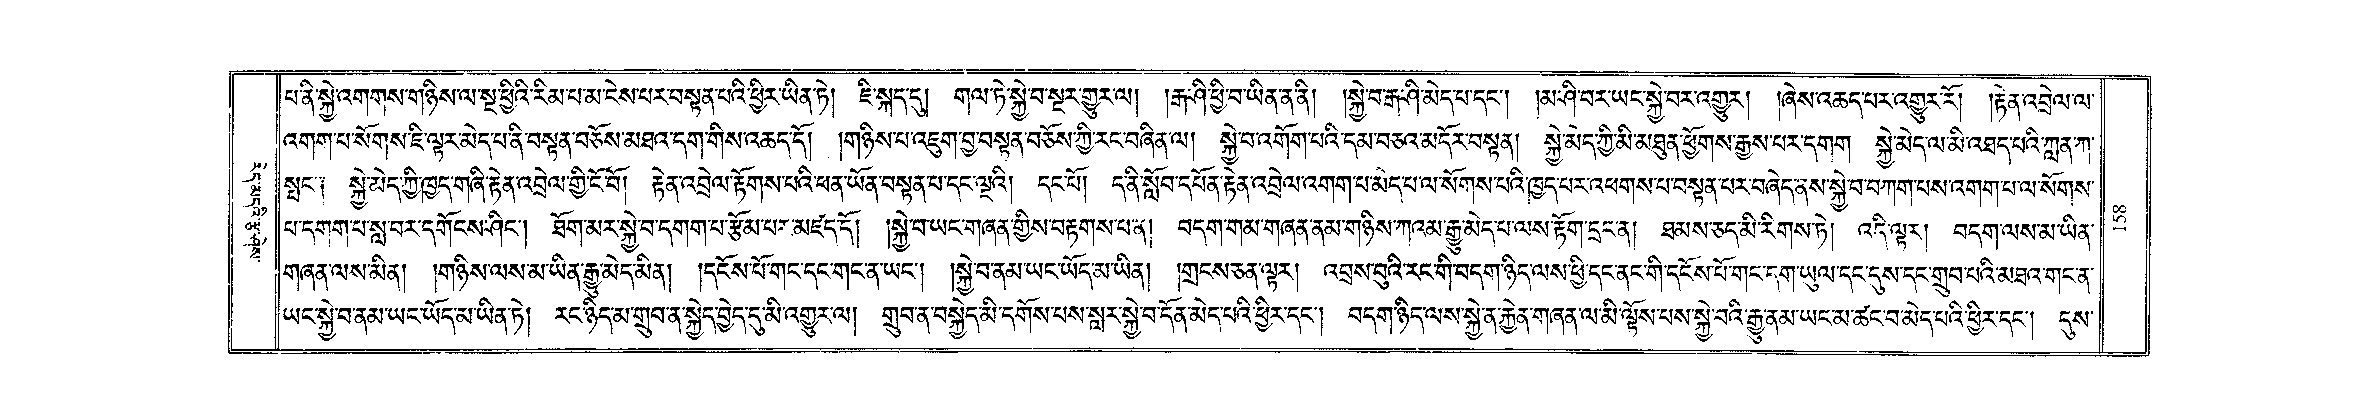པ་ནི་སྐྱེ་འགགས་གཉིས་ལ་སྔ་ཕྱིའི་རིམ་པ་མ་ངེས་པར་བསྟན་པའི་ཕྱིར་ཡིན་ཏེ། ཇི་སྐད་དུ། གལ་ཏེ་སྐྱེ་བ་སྔར་གྱུར་ལ། །རྒ་ཤི་ཕྱི་བ་ཡིན་ན་ནི། །སྐྱེ་བ་རྒ་ཤི་མེད་པ་དང་། །མ་ཤི་བར་ཡང་སྐྱེ་བར་འགྱུར། །ཞེས་འཆད་པར་འགྱུར་རོ། །རྟེན་འབྲེལ་ལ་
འགག་པ་སོགས་ཇི་ལྟར་མེད་པ་ནི་བསྟན་བཅོས་མཐའ་དག་གིས་འཆད་དོ། །གཉིས་པ་འཇུག་བྱ་བསྟན་བཅོས་ཀྱི་རང་བཞིན་ལ། སྐྱེ་བ་འགོག་པའི་དམ་བཅའ་མདོར་བསྟན། སྐྱེ་མེད་ཀྱི་མི་མཐུན་ཕྱོགས་རྒྱས་པར་དགག་སྐྱེ་མེད་ལ་མི་འཐད་པའི་ཀླན་ཀ་
སྤང༑ སྐྱེ་མེད་ཀྱི་ཁྱད་གཞི་རྟེན་འབྲེལ་གྱི་ངོ་བོ། རྟེན་འབྲེལ་རྟོགས་པའི་ཕན་ཡོན་བསྟན་པ་དང་ལྔའི། དང་པོ། ད་ནི་སློབ་དཔོན་རྟེན་འབྲེལ་འགག་པ་མེད་པ་ལ་སོགས་པའི་ཁྱད་པར་འཕགས་པ་བསྟན་པར་བཞེད་ནས་སྐྱེ་བ་བཀག་པས་འགག་པ་ལ་སོགས་
པ་དགག་པ་སླ་བར་དགོངས་ཤིང་། ཐོག་མར་སྐྱེ་བ་དགག་པ་རྩོམ་པར་མཛད་དོ། །སྐྱེ་བ་ཡང་གཞན་གྱིས་བརྟགས་པ་ན། བདག་གམ་གཞན་ནམ་གཉིས་ཀའམ་རྒྱུ་མེད་པ་ལས་རྟོག་དྲང་ན། ཐམས་ཅད་མི་རིགས་ཏེ། འདི་ལྟར། བདག་ལས་མ་ཡིན་
གཞན་ལས་མིན། །གཉིས་ལས་མ་ཡིན་རྒྱུ་མེད་མིན། །དངོས་པོ་གང་དང་གང་ན་ཡང་། །སྐྱེ་བ་ནམ་ཡང་ཡོད་མ་ཡིན། །གྲངས་ཅན་ལྟར། འབྲས་བུའི་རང་གི་བདག་ཉིད་ལས་ཕྱི་དང་ནང་གི་དངོས་པོ་གང་དག་ཡུལ་དང་དུས་དང་གྲུབ་པའི་མཐའ་གང་ན་
ཡང་སྐྱེ་བ་ནམ་ཡང་ཡོད་མ་ཡིན་ཏེ། རང་ཉིད་མ་གྲུབ་ན་སྐྱེད་བྱེད་དུ་མི་འགྱུར་ལ། གྲུབ་ན་བསྐྱེད་མི་དགོས་པས་སླར་སྐྱེ་བ་དོན་མེད་པའི་ཕྱིར་དང་། བདག་ཉིད་ལས་སྐྱེ་ན་རྐྱེན་གཞན་ལ་མི་ལྟོས་པས་སྐྱེ་བའི་རྒྱུ་ནམ་ཡང་མ་ཚང་བ་མེད་པའི་ཕྱིར་དང་། དུས་